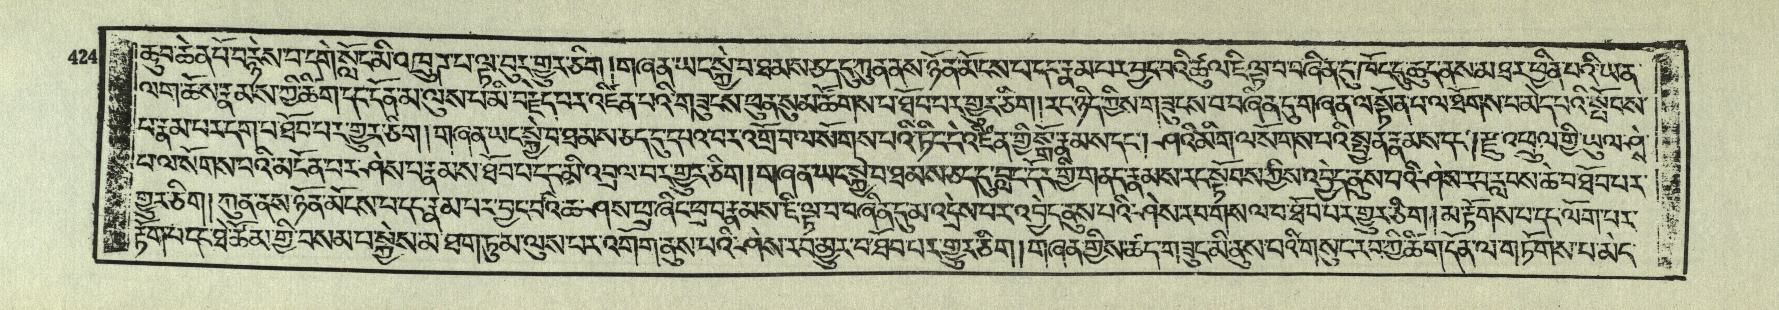ཆུབ་ཆེན་པོ་བརྙེས་པ་དགེ་སློང་མི་འཁྲུཌ་པ་ལྟ་བུར་གྱུར་ཅིག །གཞན་ཡང་སྐྱེ་བ་ཐམས་ཅད་དུ་ཀུན་ནས་ཉོན་མོངས་པ་དང་རྣམ་པར་བྱང་བའི་ཚུལ་ཇི་ལྟ་བ་བཞིན་དུ་ཁོང་དུ་ཆུད་ནས་མཐར་ཕྱིན་པའི་ཡན་
ལག་ཆོས་རྣམས་ཀྱི་ཚིག་དང་དོན་མ་ལུས་པ་མི་བརྗེད་པར་འཛིན་པའི་གཟུངས་ཕུན་སུམ་ཚོགས་པ་ཐོབ་པར་གྱུར་ཅིག །རང་ཉིད་ཀྱིས་གཟུངས་བ་བཞིན་དུ་གཞན་ལ་སྟོན་པ་ལ་ཐོགས་པ་མེད་པའི་སྤོབས་
པ་རྣམ་པར་དག་པ་ཐོབ་པར་གྱུར་ཅིག །གཞན་ཡང་སྐྱེ་བ་ཐམས་ཅད་དུ་དཔའ་བར་འགྲོ་བ་ལ་སོགས་པའི་ཏིང་ངེ་འཛིན་གྱི་སྒོ་རྣམས་དང་། ཤའི་མིག་ལ་སོགས་པའི་སྤྱན་རྣམས་དང་། རྫུ་འཕྲུལ་གྱི་ཡུལ་ཤེས་
པ་ལ་སོགས་པའི་མངོན་པར་ཤེས་པ་རྣམས་ཐོབ་པ་དང་མི་འབྲལ་བར་གྱུར་ཅིག །གཞན་ཡང་སྐྱེ་བ་ཐམས་ཅད་དུ་བླང་དོར་གྱི་གནད་རྣམས་རང་སྟོབས་ཀྱིས་འབྱེད་ནུས་པའི་ཤེས་རབ་རླབས་ཆེ་བ་ཐོབ་པར་
གྱུར་ཅིག །ཀུན་ནས་ཉོན་མོངས་པ་དང་རྣམ་པར་བྱང་བའི་ཆ་ཤས་ཕྲ་ཞིང་ཕྲ་བ་རྣམས་ཇི་ལྟ་བ་བཞིན་དུ་མ་འདྲེས་པར་འབྱེད་ནུས་པའི་ཤེས་རབ་གསལ་བ་ཐོབ་པར་གྱུར་ཅིག །མ་རྟོགས་པ་དང་ལོག་པར་
རྟོག་པ་དང་ཐེ་ཚོམ་གྱི་བསམ་པ་སྐྱེས་མ་ཐག་ཏུ་མ་ལུས་པར་འགོག་ནུས་པའི་ཤེས་རབ་མྱུར་བ་ཐོབ་པར་གྱུར་ཅིག །གཞན་གྱིས་ཚད་གཟུང་མི་ནུས་པའི་གསུང་རབ་ཀྱི་ཚིག་དོན་ལ་གཏོགས་པ་མེད་